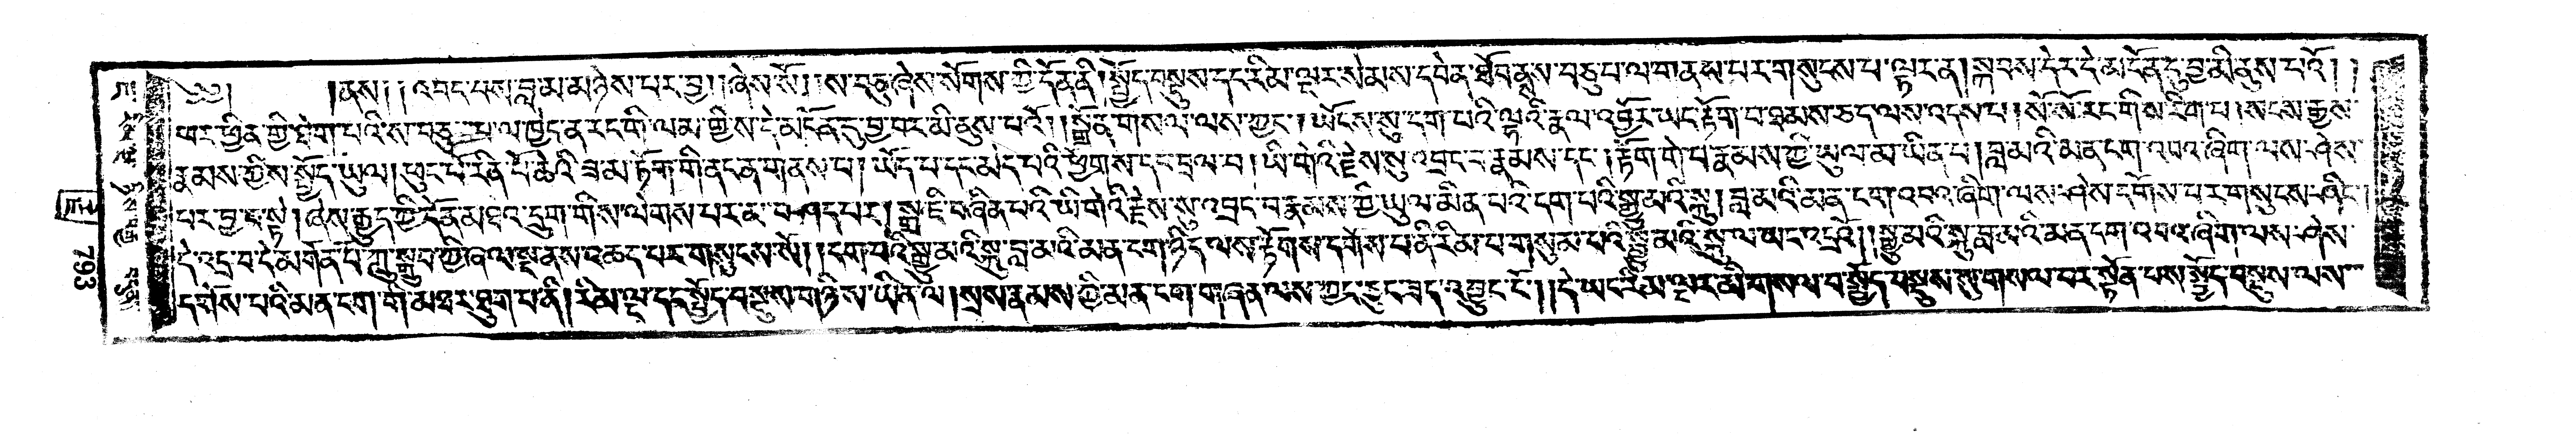༄༅། །ནས། །འབང་པས་བླ་མ་མཉེས་པར་བྱ། །ཞེས་སོ། །ས་བཅུ་ཞེས་སོགས་ཀྱི་དོན་ནི། སྤྱོད་བསྡུས་དང་རིམ་ལྔར་སེམས་དབེན་ཐོབ་ནས་བཅུ་པ་ལ་གནས་པར་གསུངས་པ་ལྟར་ན། སྐབས་དེར་དེ་མངོན་དུ་བྱ་མི་ནུས་པའོ། །
ཕར་ཕྱིན་གྱི་ཐེག་པའི་ས་བཅུ་པ་ལ་བྱེད་ན་རང་གི་ལམ་གྱི་ས་དེ་མངོན་དུ་བྱ་བར་མི་ནུས་པའོ། །སྒྲོན་གསལ་ལས་ཀྱང་། ཡོངས་སུ་དག་པའི་ལྷའི་རྣལ་འབྱོར་ཡང་རྟོག་པ་ཐམས་ཅད་ལས་འདས་པ། སོ་སོ་རང་གིས་རིག་པ། སངས་རྒྱས་
རྣམས་ཀྱིས་སྤྱོད་ཡུལ། ཕུང་པོ་རིན་པོ་ཆེའི་ཟ་མ་ཏོག་གི་ནང་ན་གནས་པ། ཡོད་པ་དང་མེད་པའི་ཕྱོགས་དང་བྲལ་བ། ཡི་གེའི་རྗེས་སུ་འབྲང་བ་རྣམས་དང་། རྟོག་གེ་བ་རྣམས་ཀྱི་ཡུལ་མ་ཡིན་པ། བླ་མའི་མན་ངག་འབའ་ཞིག་ལས་ཤེས་
པར་བྱ་བ་སྟེ། ཞེས་རྒྱུད་ཀྱི་དོན་མཐའ་དྲུག་གིས་ལེགས་པར་མ་བཤད་པར། སྒྲ་ཇི་བཞིན་པའི་ཡི་གེའི་རྗེས་སུ་འབྲང་བ་རྣམས་ཀྱི་ཡུལ་མིན་པའི་དག་པའི་སྒྱུ་མའི་སྐུ། བླ་མའི་མན་ངག་འབའ་ཞིག་ལས་ཤེས་དགོས་པར་གསུངས་ཤིང་།
དེ་འདྲ་བ་དེ་མགོན་པོ་ཀླུ་སྒྲུབ་ཀྱི་ཞལ་སྔ་ནས་འཆད་པར་གསུངས་སོ། །དག་པའི་སྒྱུ་མའི་སྐུ་བླ་མའི་མན་ངག་ཉིད་ལས་རྟོགས་དགོས་པ་ནི་རིམ་པ་གསུམ་པའི་སྒྱུ་མའི་སྐུ་ལ་ཡང་འདྲའོ། །སྒྱུ་མའི་སྐུ་བླ་མའི་མན་ངག་འབའ་ཞིག་ལས་ཤེས་
དགོས་པའི་མན་ངག་གི་མཐར་ཐུག་པ་ནི། རིམ་ལྔ་དང་སྤྱོད་བསྡུས་གཉིས་ཡིན་ལ། སྲས་རྣམས་ཀྱི་མན་ངག་གཞན་ལས་ཀྱང་ཅུང་ཟད་འབྱུང་ངོ། །དེ་ཡང་རིམ་ལྔར་མི་གསལ་བ་སྤྱོད་བསྡུས་སུ་གསལ་བར་སྟོན་པས་སྤྱོད་བསྡུས་ལས་